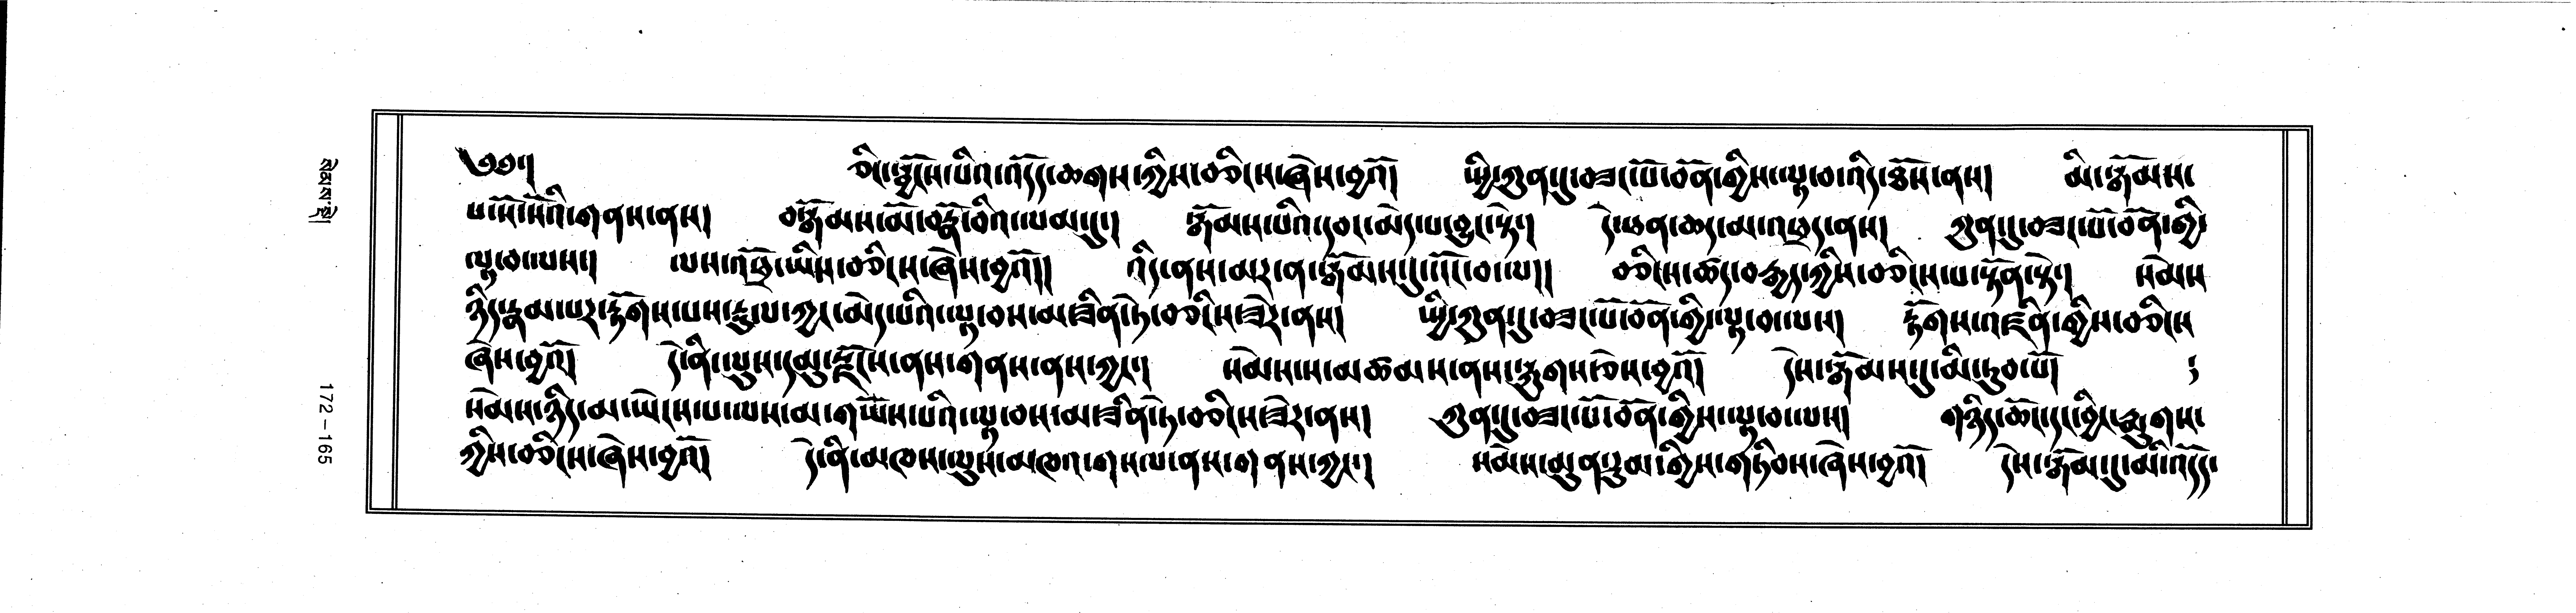ཅིང་སྦྱོངས་པའི་འདོད་ཆགས་ཀྱིས་བཅིངས་ཞེས་བྱའོ། སྤྱི་ཀུན་ཏུ་བཟང་པོ་བོན་གྱིས་ལྟ་བ་འདི་ཐོས་ནས། མི་སྒོམས་
པ་སོ་སོའི་གནས་ནས། བསྒོམས་མོ་བརྣོ་བའི་ལམ་དུ། སྒོམས་པའི་དབང་མེད་པ་བྱུང་སྟེ། དེ་ཕན་ཆད་མ་འཕྲད་ནས། ཀུན་ཏུ་བཟང་པོ་བོན་གྱི་
ལྟ་བ་ལས། ལས་འཕྲོ་ཡིས་བཅིངས་ཞེས་བྱའོ། འདི་ནས་མར་ན་སྒོམས་དུ་སོང་བ་ལ། བཅིངས་ཚད་བརྒྱད་ཀྱིས་བཅིངས་པ་སྟོན་སྟེ། སེམས་
ཉིད་རྣམ་པར་རྟོགས་པས་རྡུལ་ཀྱང་མེད་པའི་ལྟ་བས་མ་ཟིན་ཏེ་བཅིངས་ཟེར་ནས། སྤྱི་ཀུན་ཏུ་བཟང་པོ་བོན་གྱི་ལྟ་བ་ལས། རྟོགས་འཛིན་གྱིས་བཅིངས་
ཞེས་བྱའོ། དེ་ནི་ལུས་དམུ་རྫོངས་ནས་གནས་ནས་ཀྱང་། སེམས་ས་མཚམས་ནས་ལྐུགས་ཅེས་བྱའོ། དེས་བསྒོམ་དུ་མི་བཏུབ་པོ། 
སེམས་ཉིད་མ་གཡེང་པ་ལས་མ་གཡོས་པའི་ལྟ་བས་མ་ཟིན་ཏེ་བཅིངས་ཟེར་ནས། ཀུན་ཏུ་བཟང་པོ་བོན་གྱིས་ལྟ་བ་ལས། གཉིད་ཆོང་དང་བྱིང་རྨུགས་
ཀྱིས་བཅིངས་ཞེས་བྱའོ། དེ་ནི་མཁས་ལུས་མཁའ་གསལ་ནས་གནས་ཀྱང་། སེམས་མུན་རུམ་གྱིས་གཏིབས་ཞེས་བྱའོ། དེས་བསྒོམ་དུ་མི་འདོད་